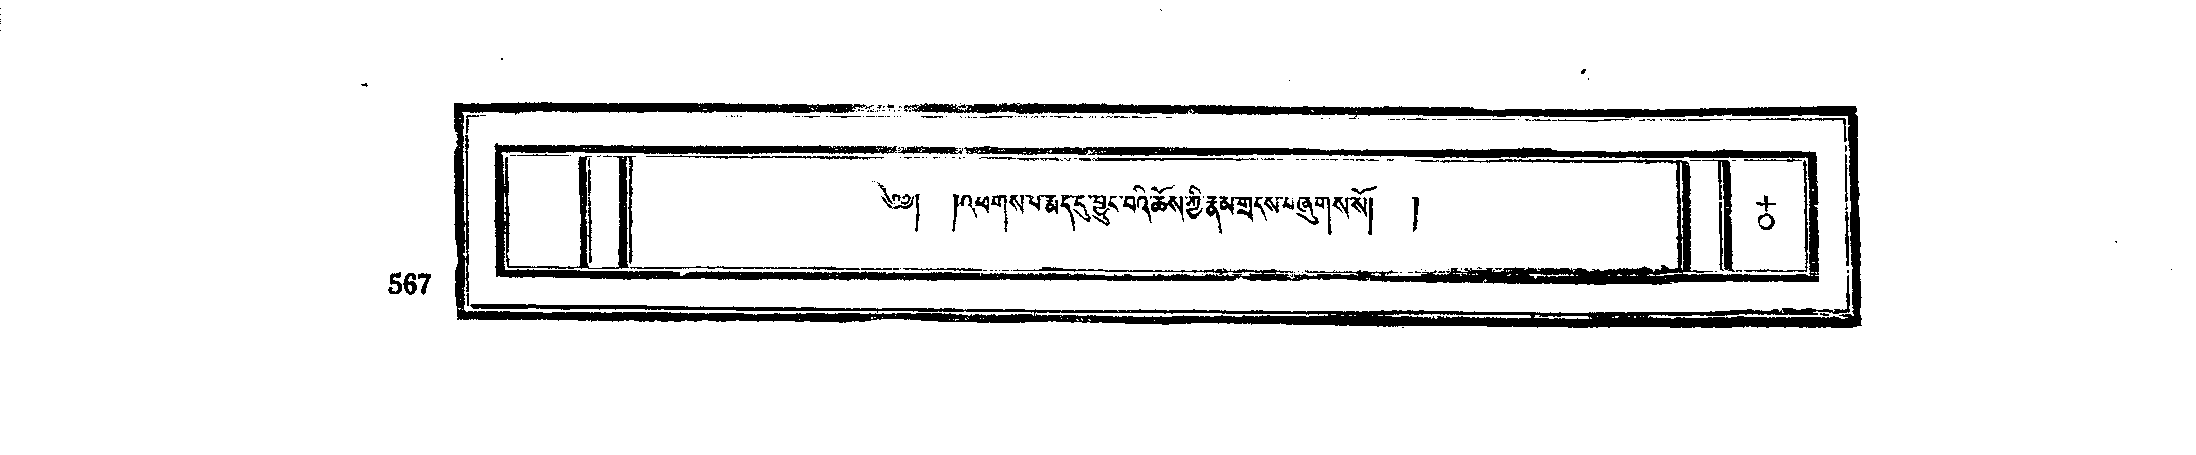༄༅། །འཕགས་པ་རྨད་དུ་བྱུང་བའི་ཆོས་ཀྱི་རྣམ་གྲངས་བཞུགས་སོ། །